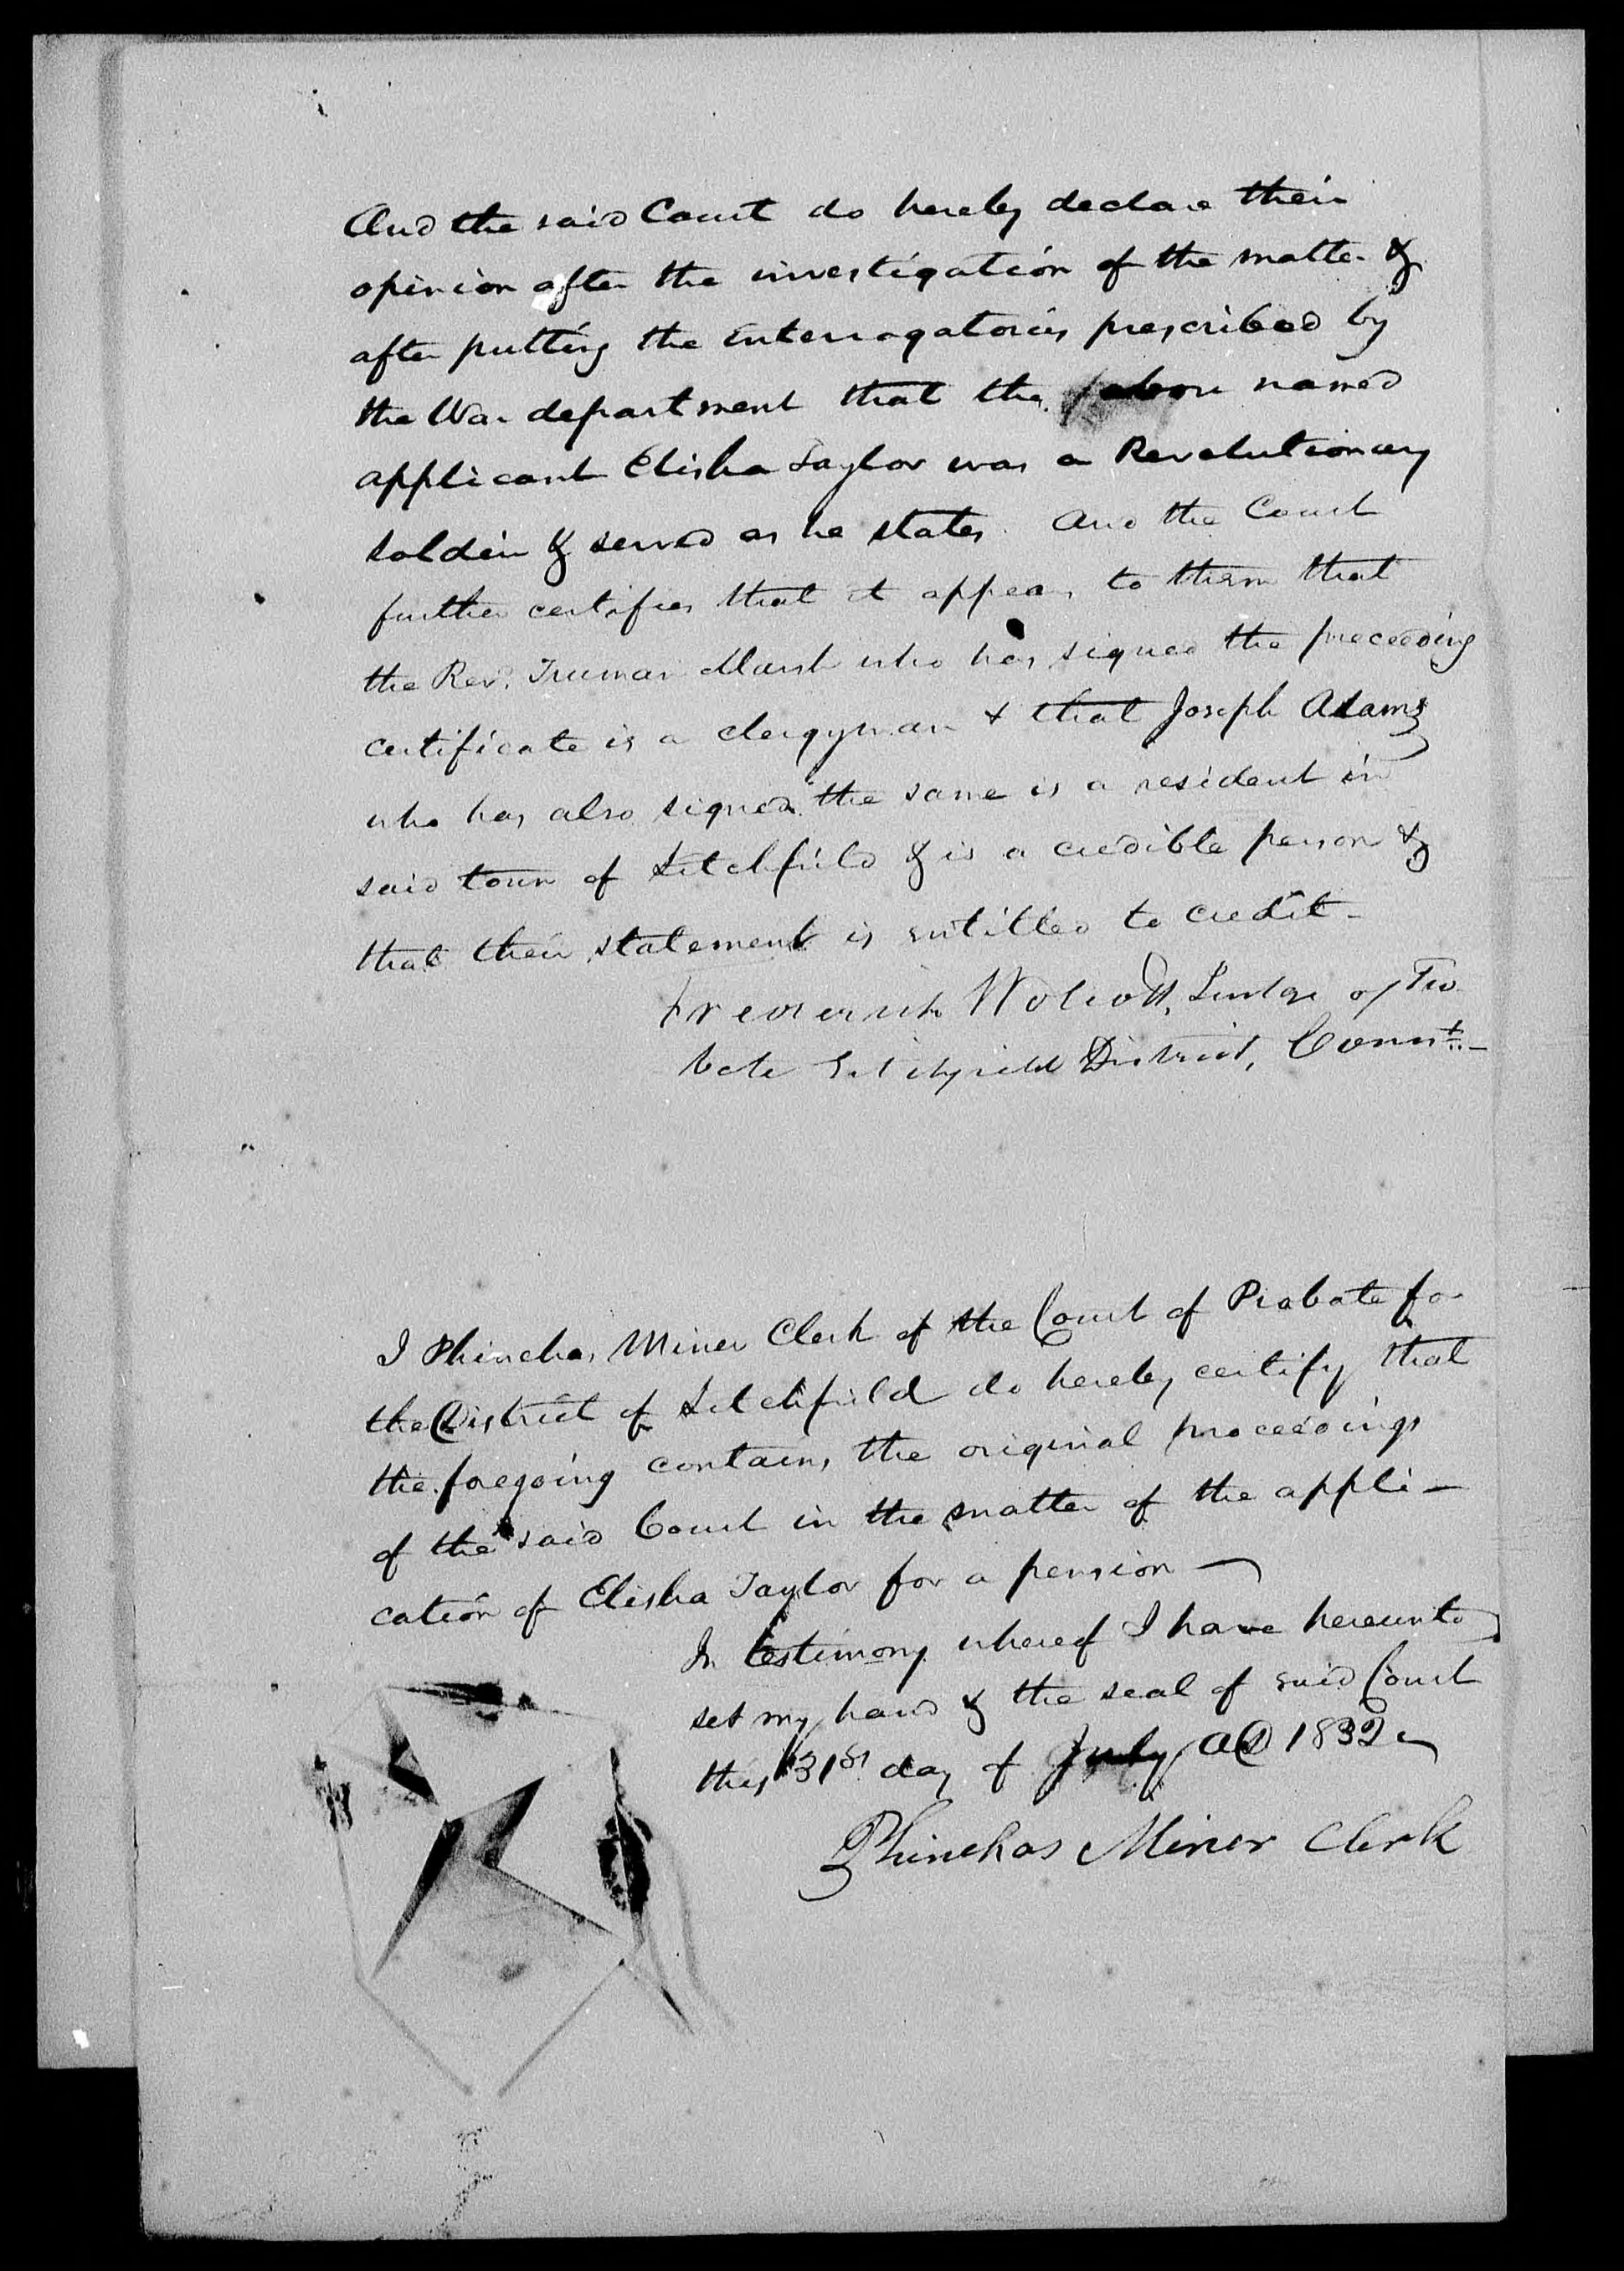And the said Court do hereby declare their opinion after the investigation of the matter & after putting the interrogation prescribed by the War department that the person named applicant Elisha Taylor was a Revolutionary soldier & served as he states.  And the Court further certifies that it appears to them that the Rev. Truman Dante who has signed the preceeding certificate is a clergyman & that Joseph Adams who has also signed the same is a resident in said town of Litchfield & is a credible person & that their statement is entitled to credit.
Freoderick Wolcott, Judge of the (illegible) Litchfield District, Connecticut

I Phinehas Miner Clerk of the Court of Probate for the District of Litchfield do hereby certify that the foregoing contain the original proceedings of the said Court in the matter of application of Elisha Taylor for a pension.  In testimony whereof I have hereunto set my hand & the seal of said Court this 31st day of July A. D. 1832
Phinehas Miner clerk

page: 7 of 16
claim: survivor's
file: S. 17722, for Elisha Taylor, Connecticut